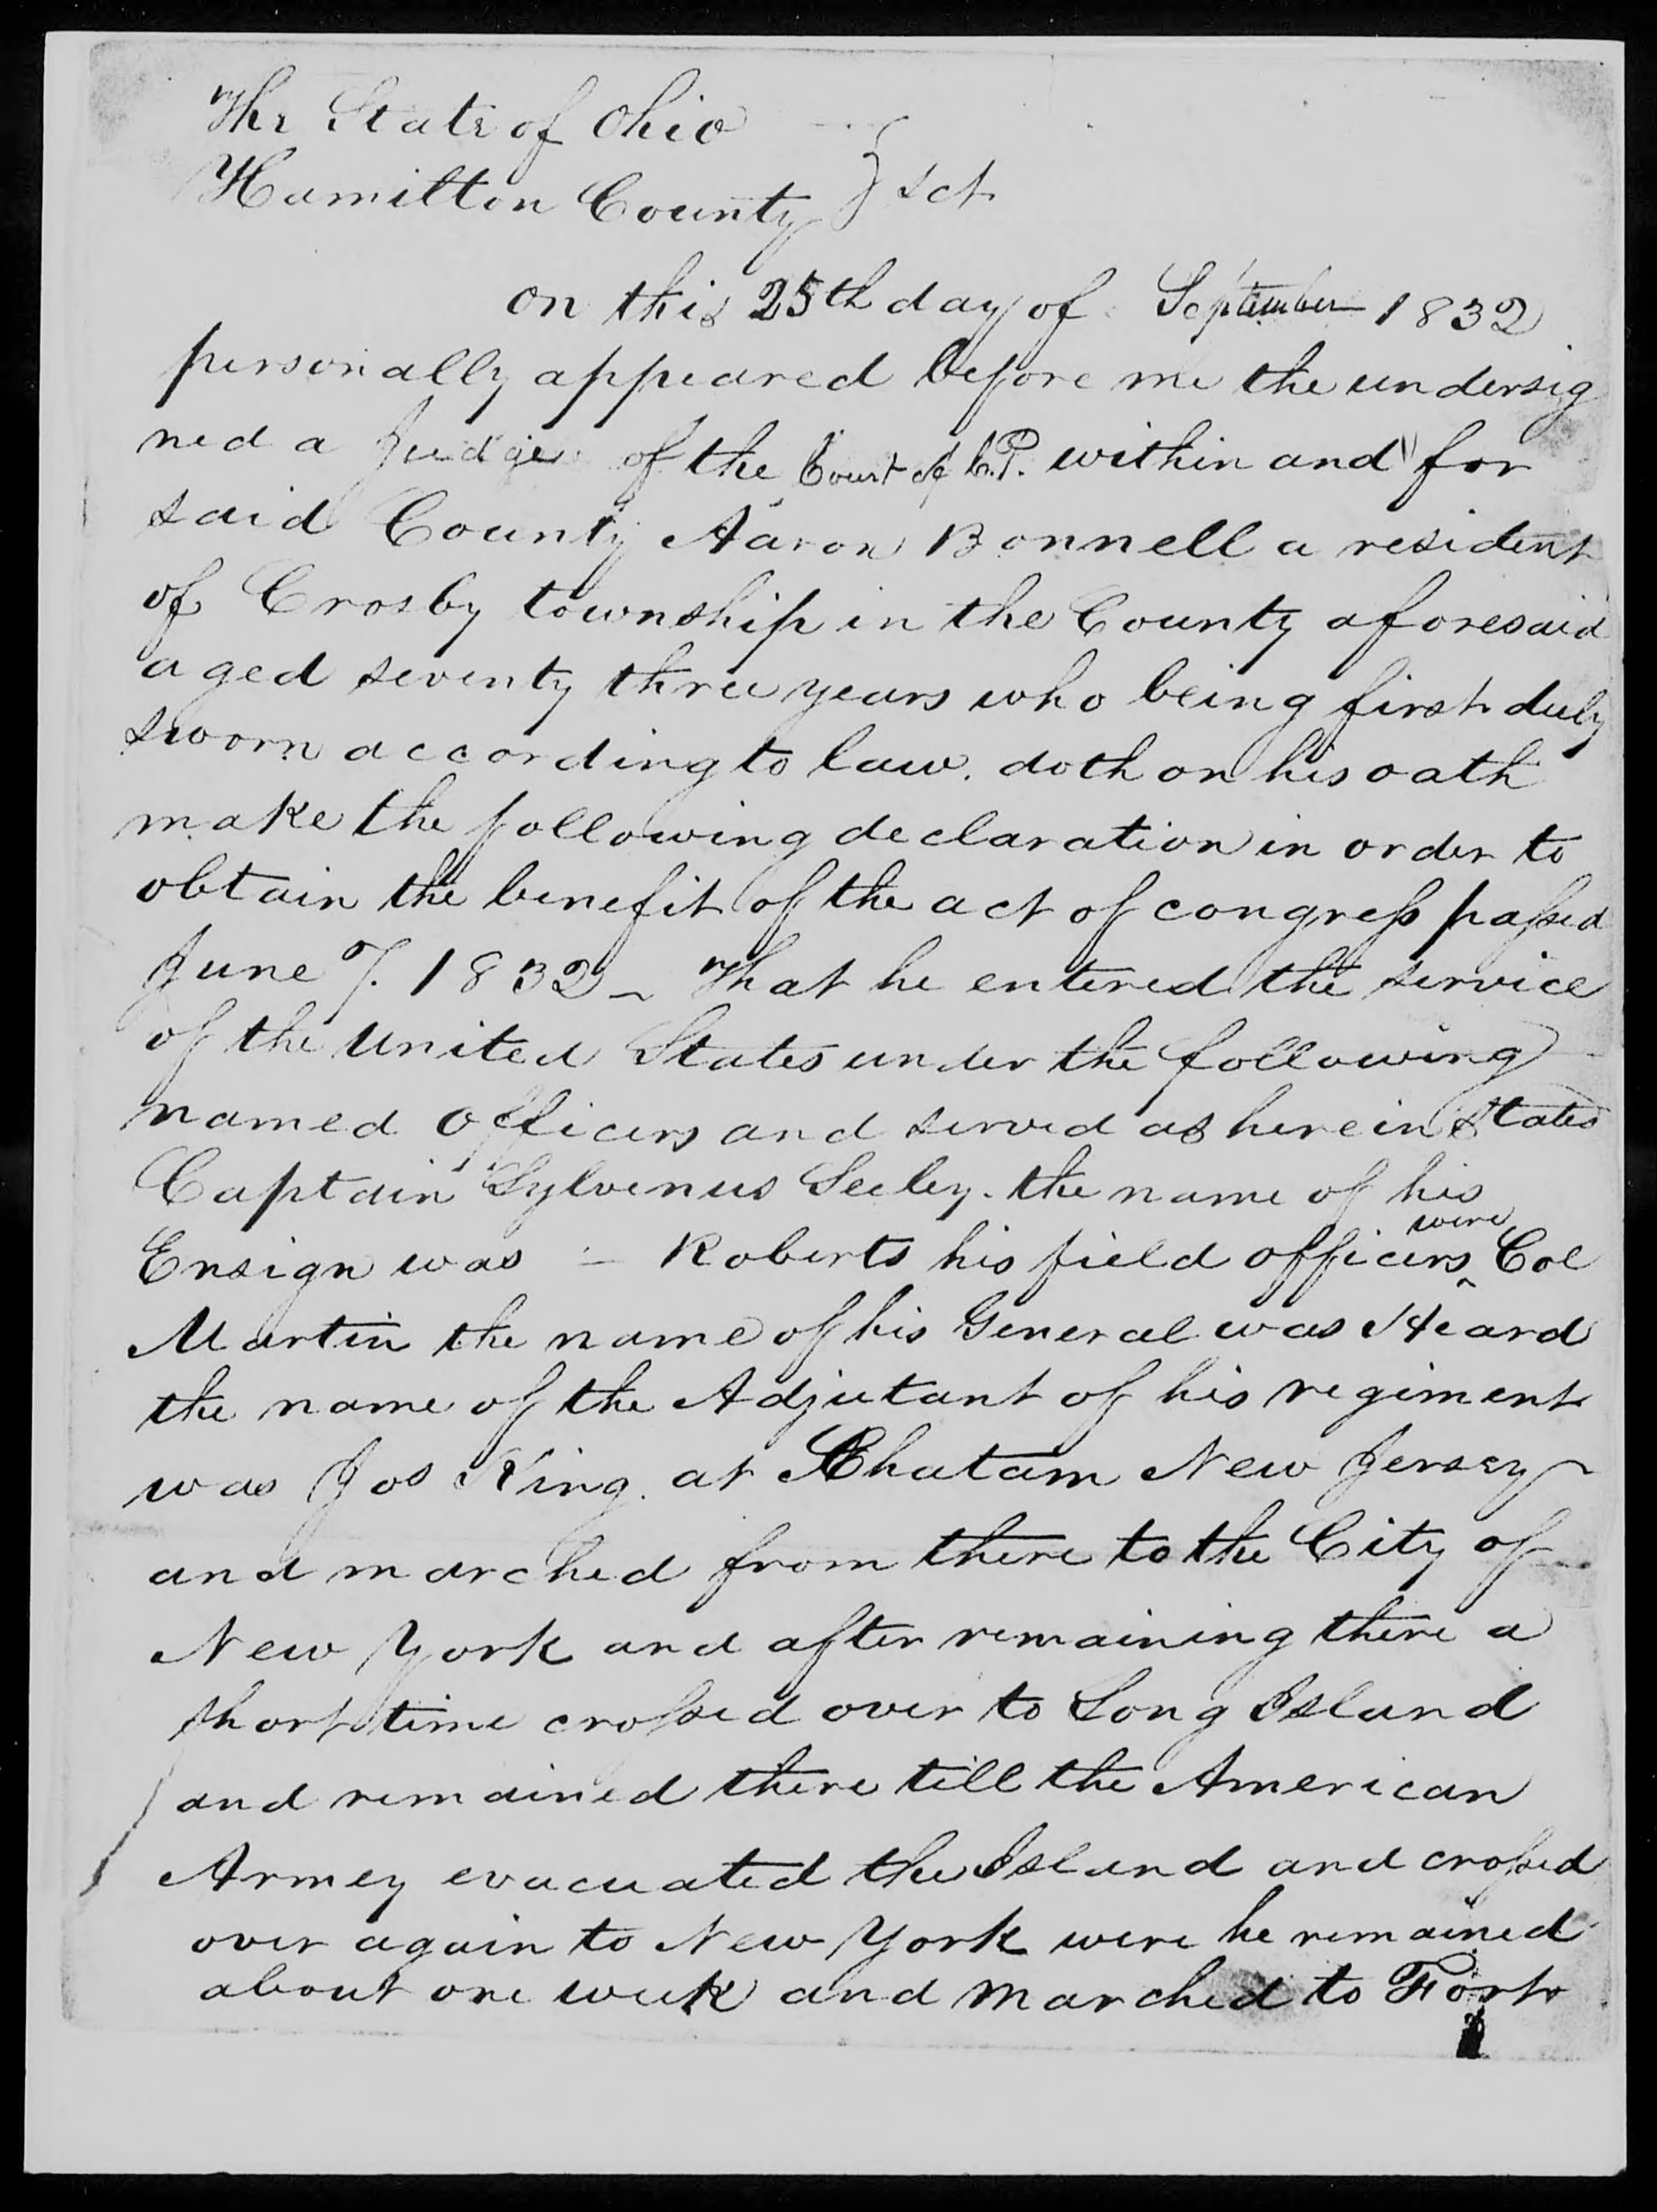The State of Ohio
Hamilton County }Sct
On this 25th day of September 1832 personally appeared before me the undersigned, a Judge of the Court of C.P. within and for said County, Aaron Bonnell a resident of Crosby township in the county aforesaid aged seventy three years who being first duly sworn according to law doth on his oath make the following declaration in order to obtain the benefit of the act of congress passed June 7, 1832.  That he entered the service of the United States under the following named officers and served as herein stated: Captain Sylvanus Seely, the name of his Ensign was Roberts, his field officers were Col. Martin, the name of his General was Heard, the name of the Adjutant of his regiment was Jos. King, at Chatam New Jersey and marched from there to the City of New York and after remaining there a short time crossed over to Long Island and remained there till the American Army evacuated the Island and crossed over again to New York where he remained about one week and marched to Fort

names: Aaron Bonnell, Martin, Roberts, Sylvenus Seeley, Heard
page: 3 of 67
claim: rejected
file: R. 1009, Aaron Bonnel, New Jersey